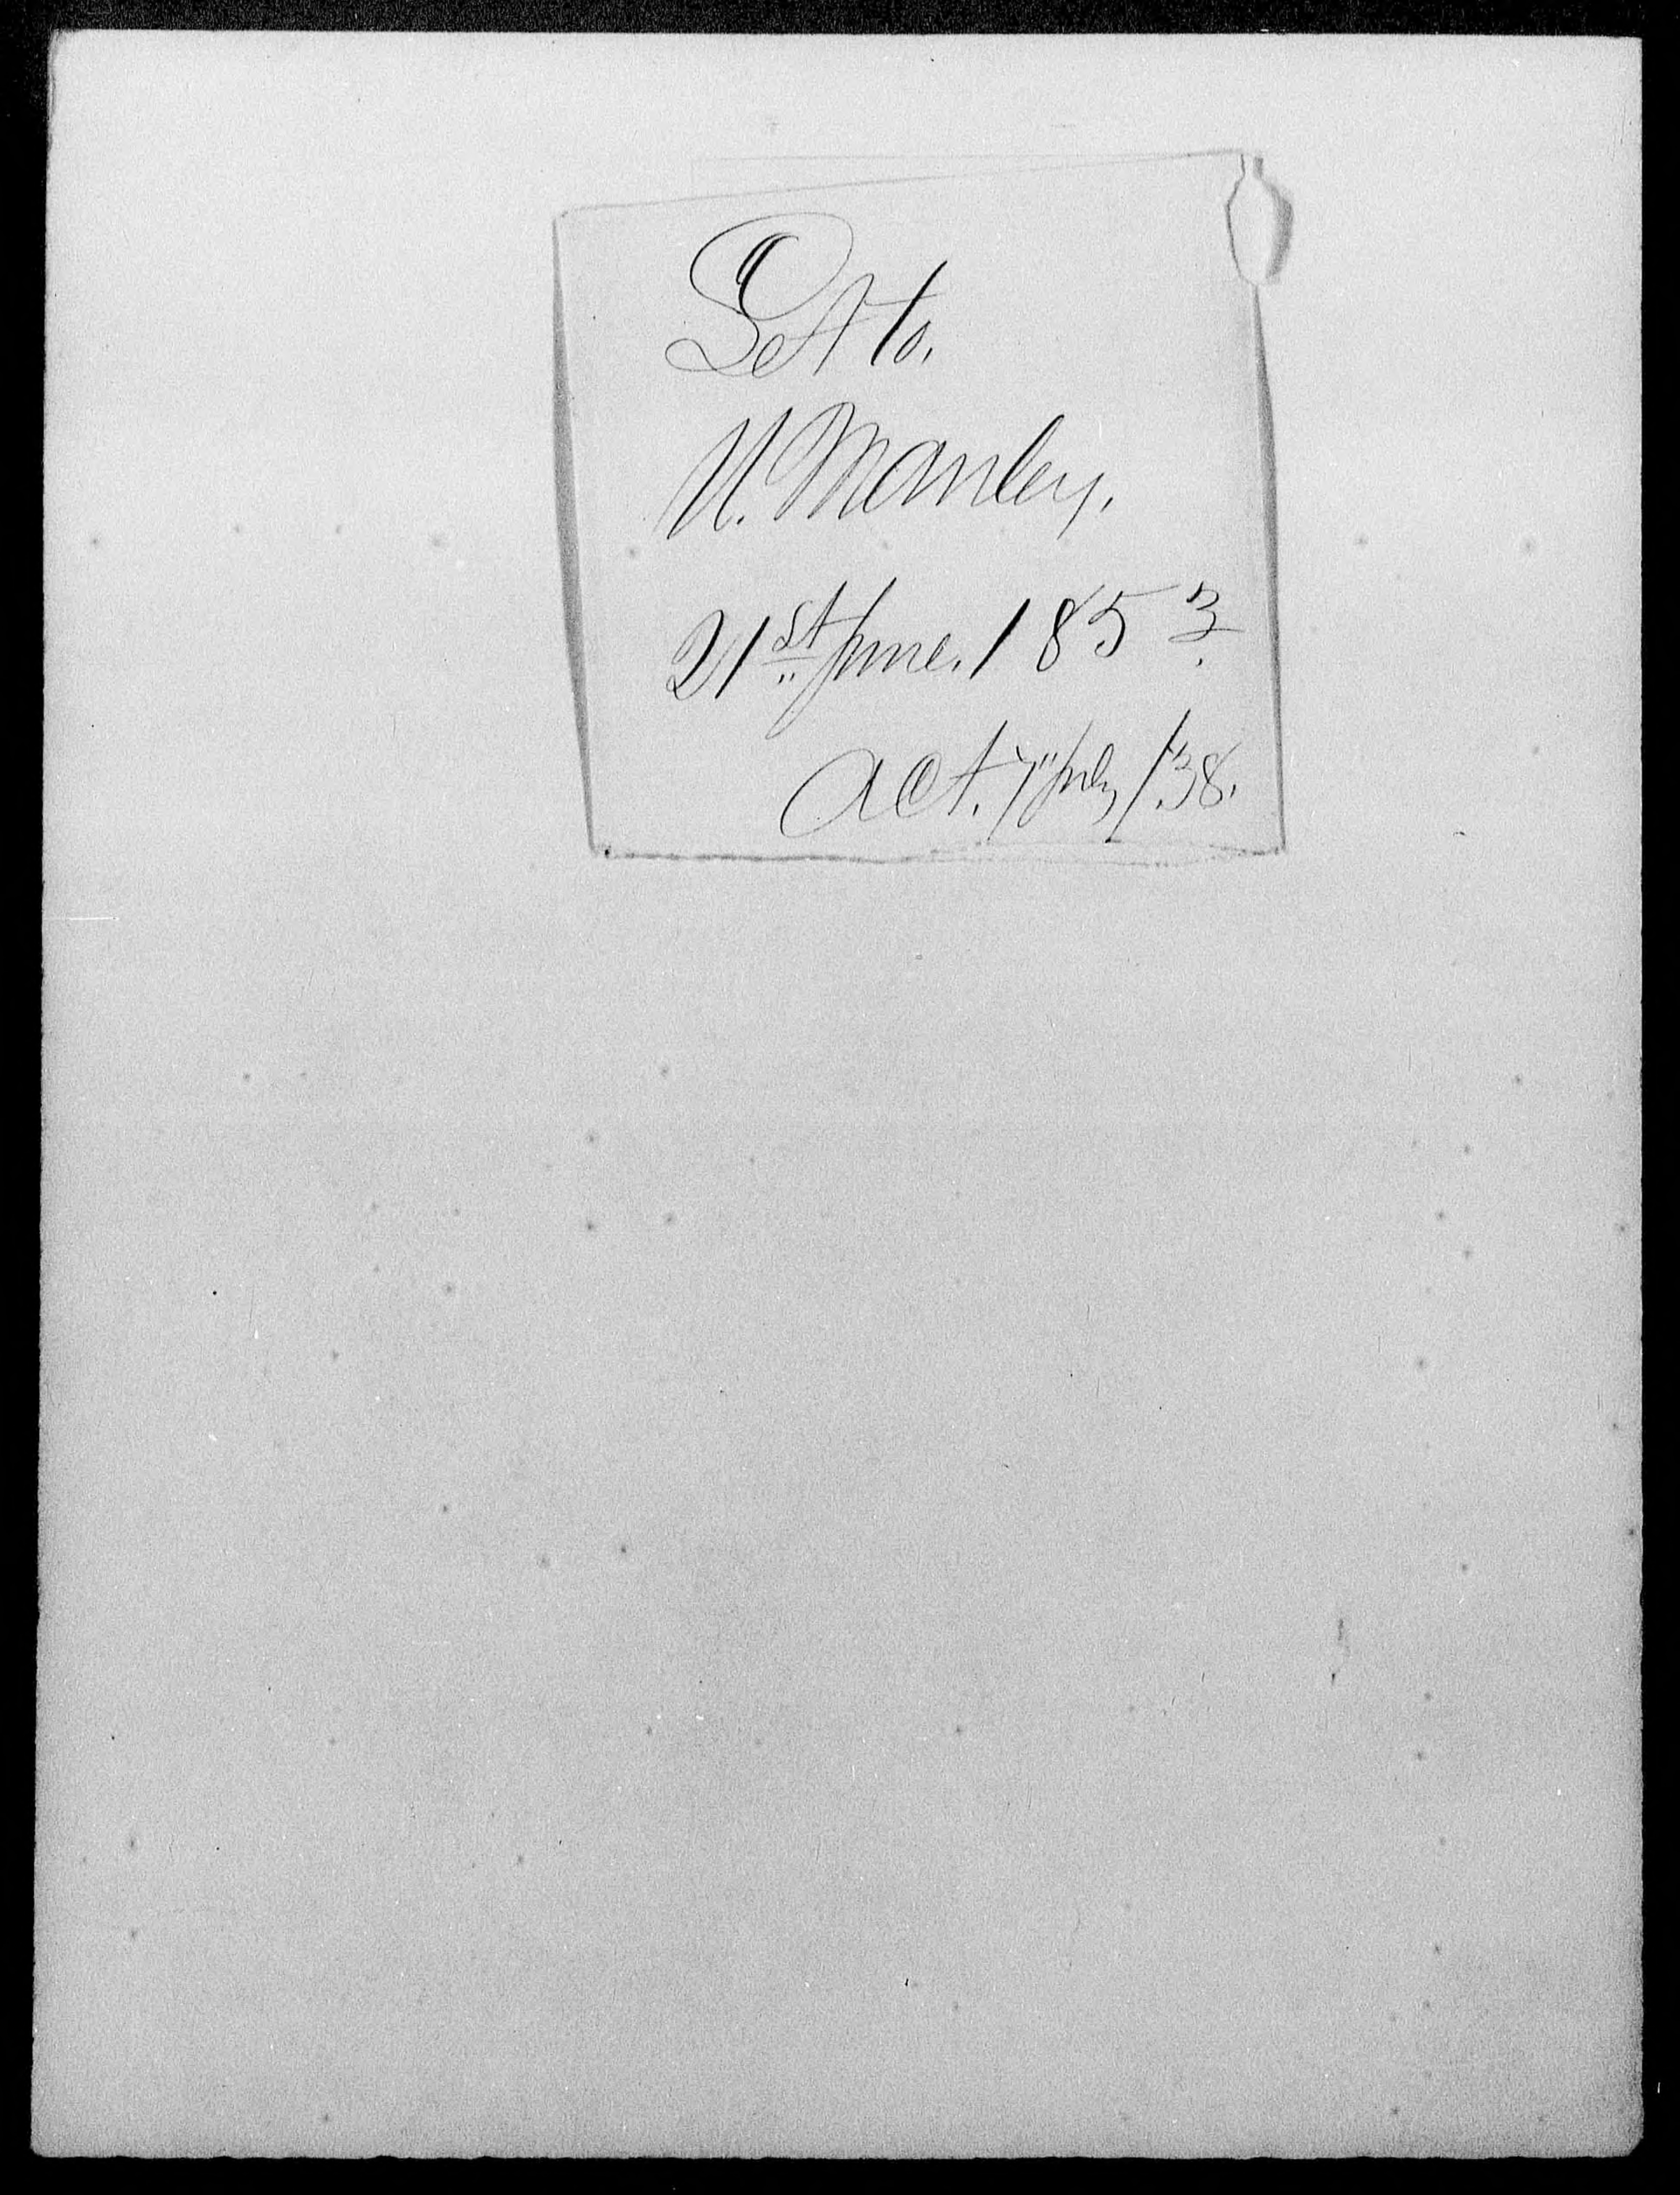LeAto. [unclear if this is correct transcription]
W. Manley,
21st June, 1853
Act. 7"July /38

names: W Manley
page: 34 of 49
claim: widow's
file: W. 2518, James Brenton, Va.